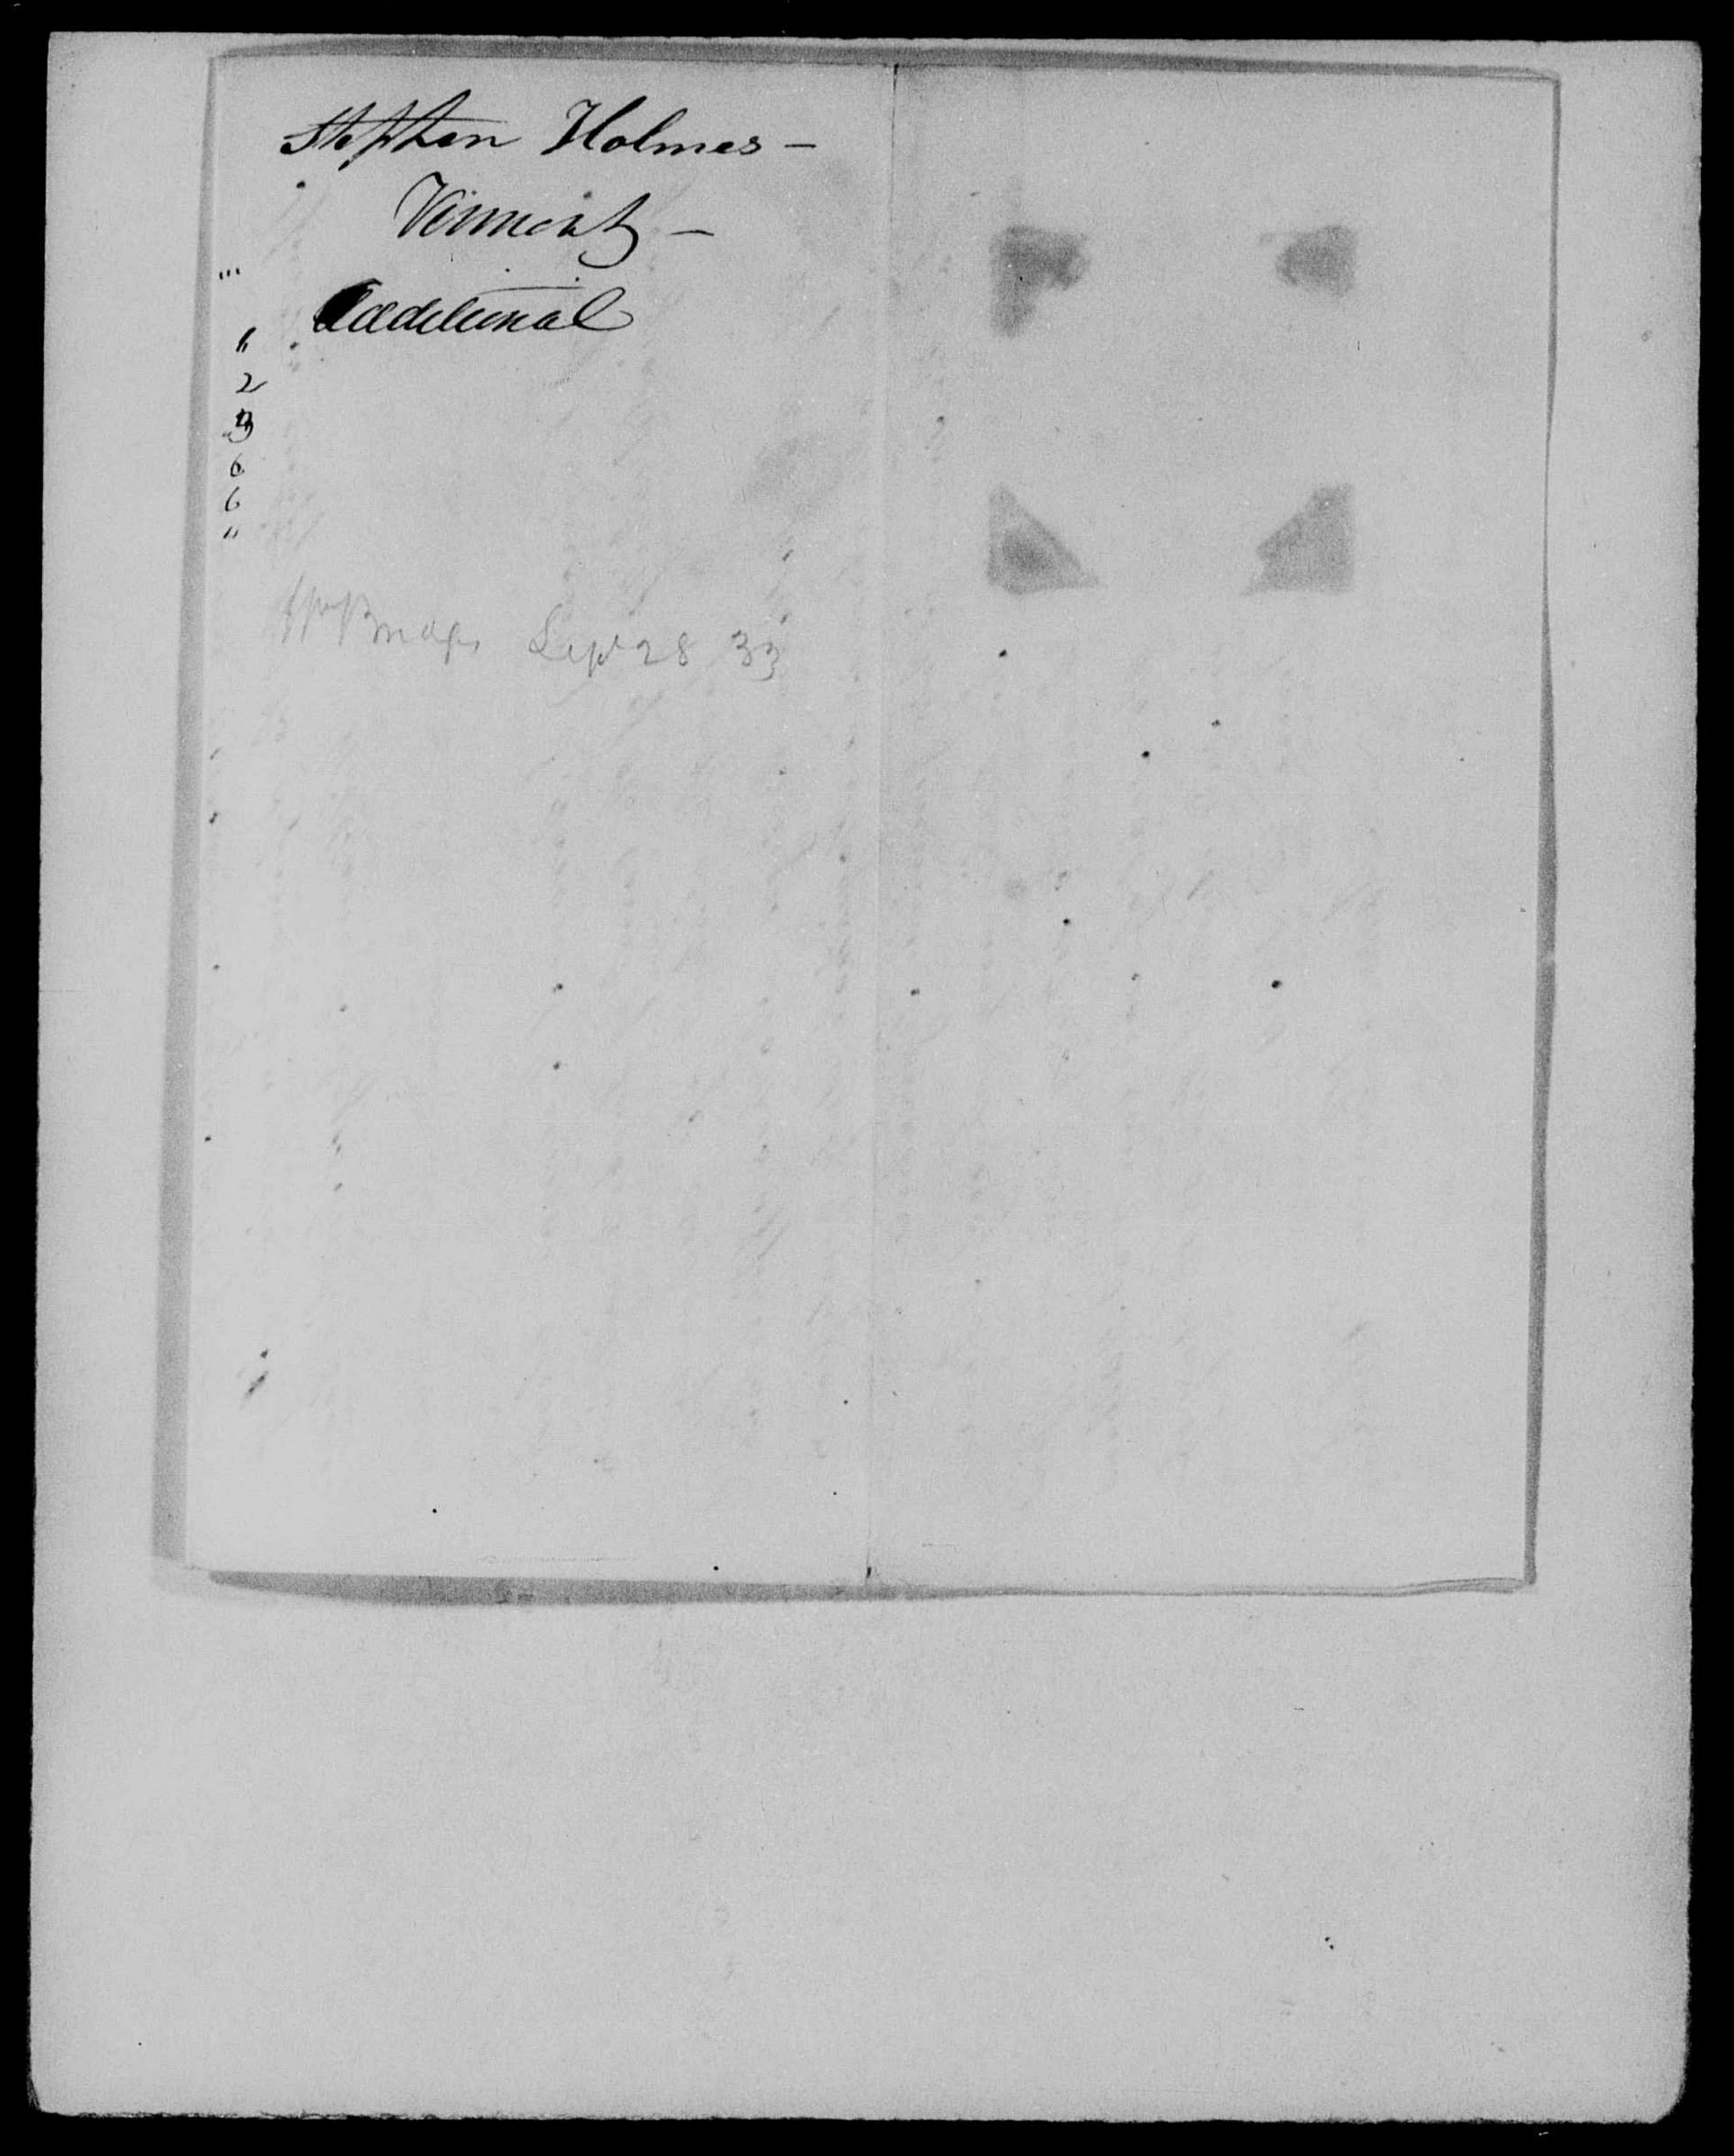Stephen Holmes-
Vermont-
Additional

6
2
3
6
6
4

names: Wm Bridges, Stephen Holmes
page: 32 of 72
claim: widow's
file: W. 7771, Stephen Holmes, Vt.